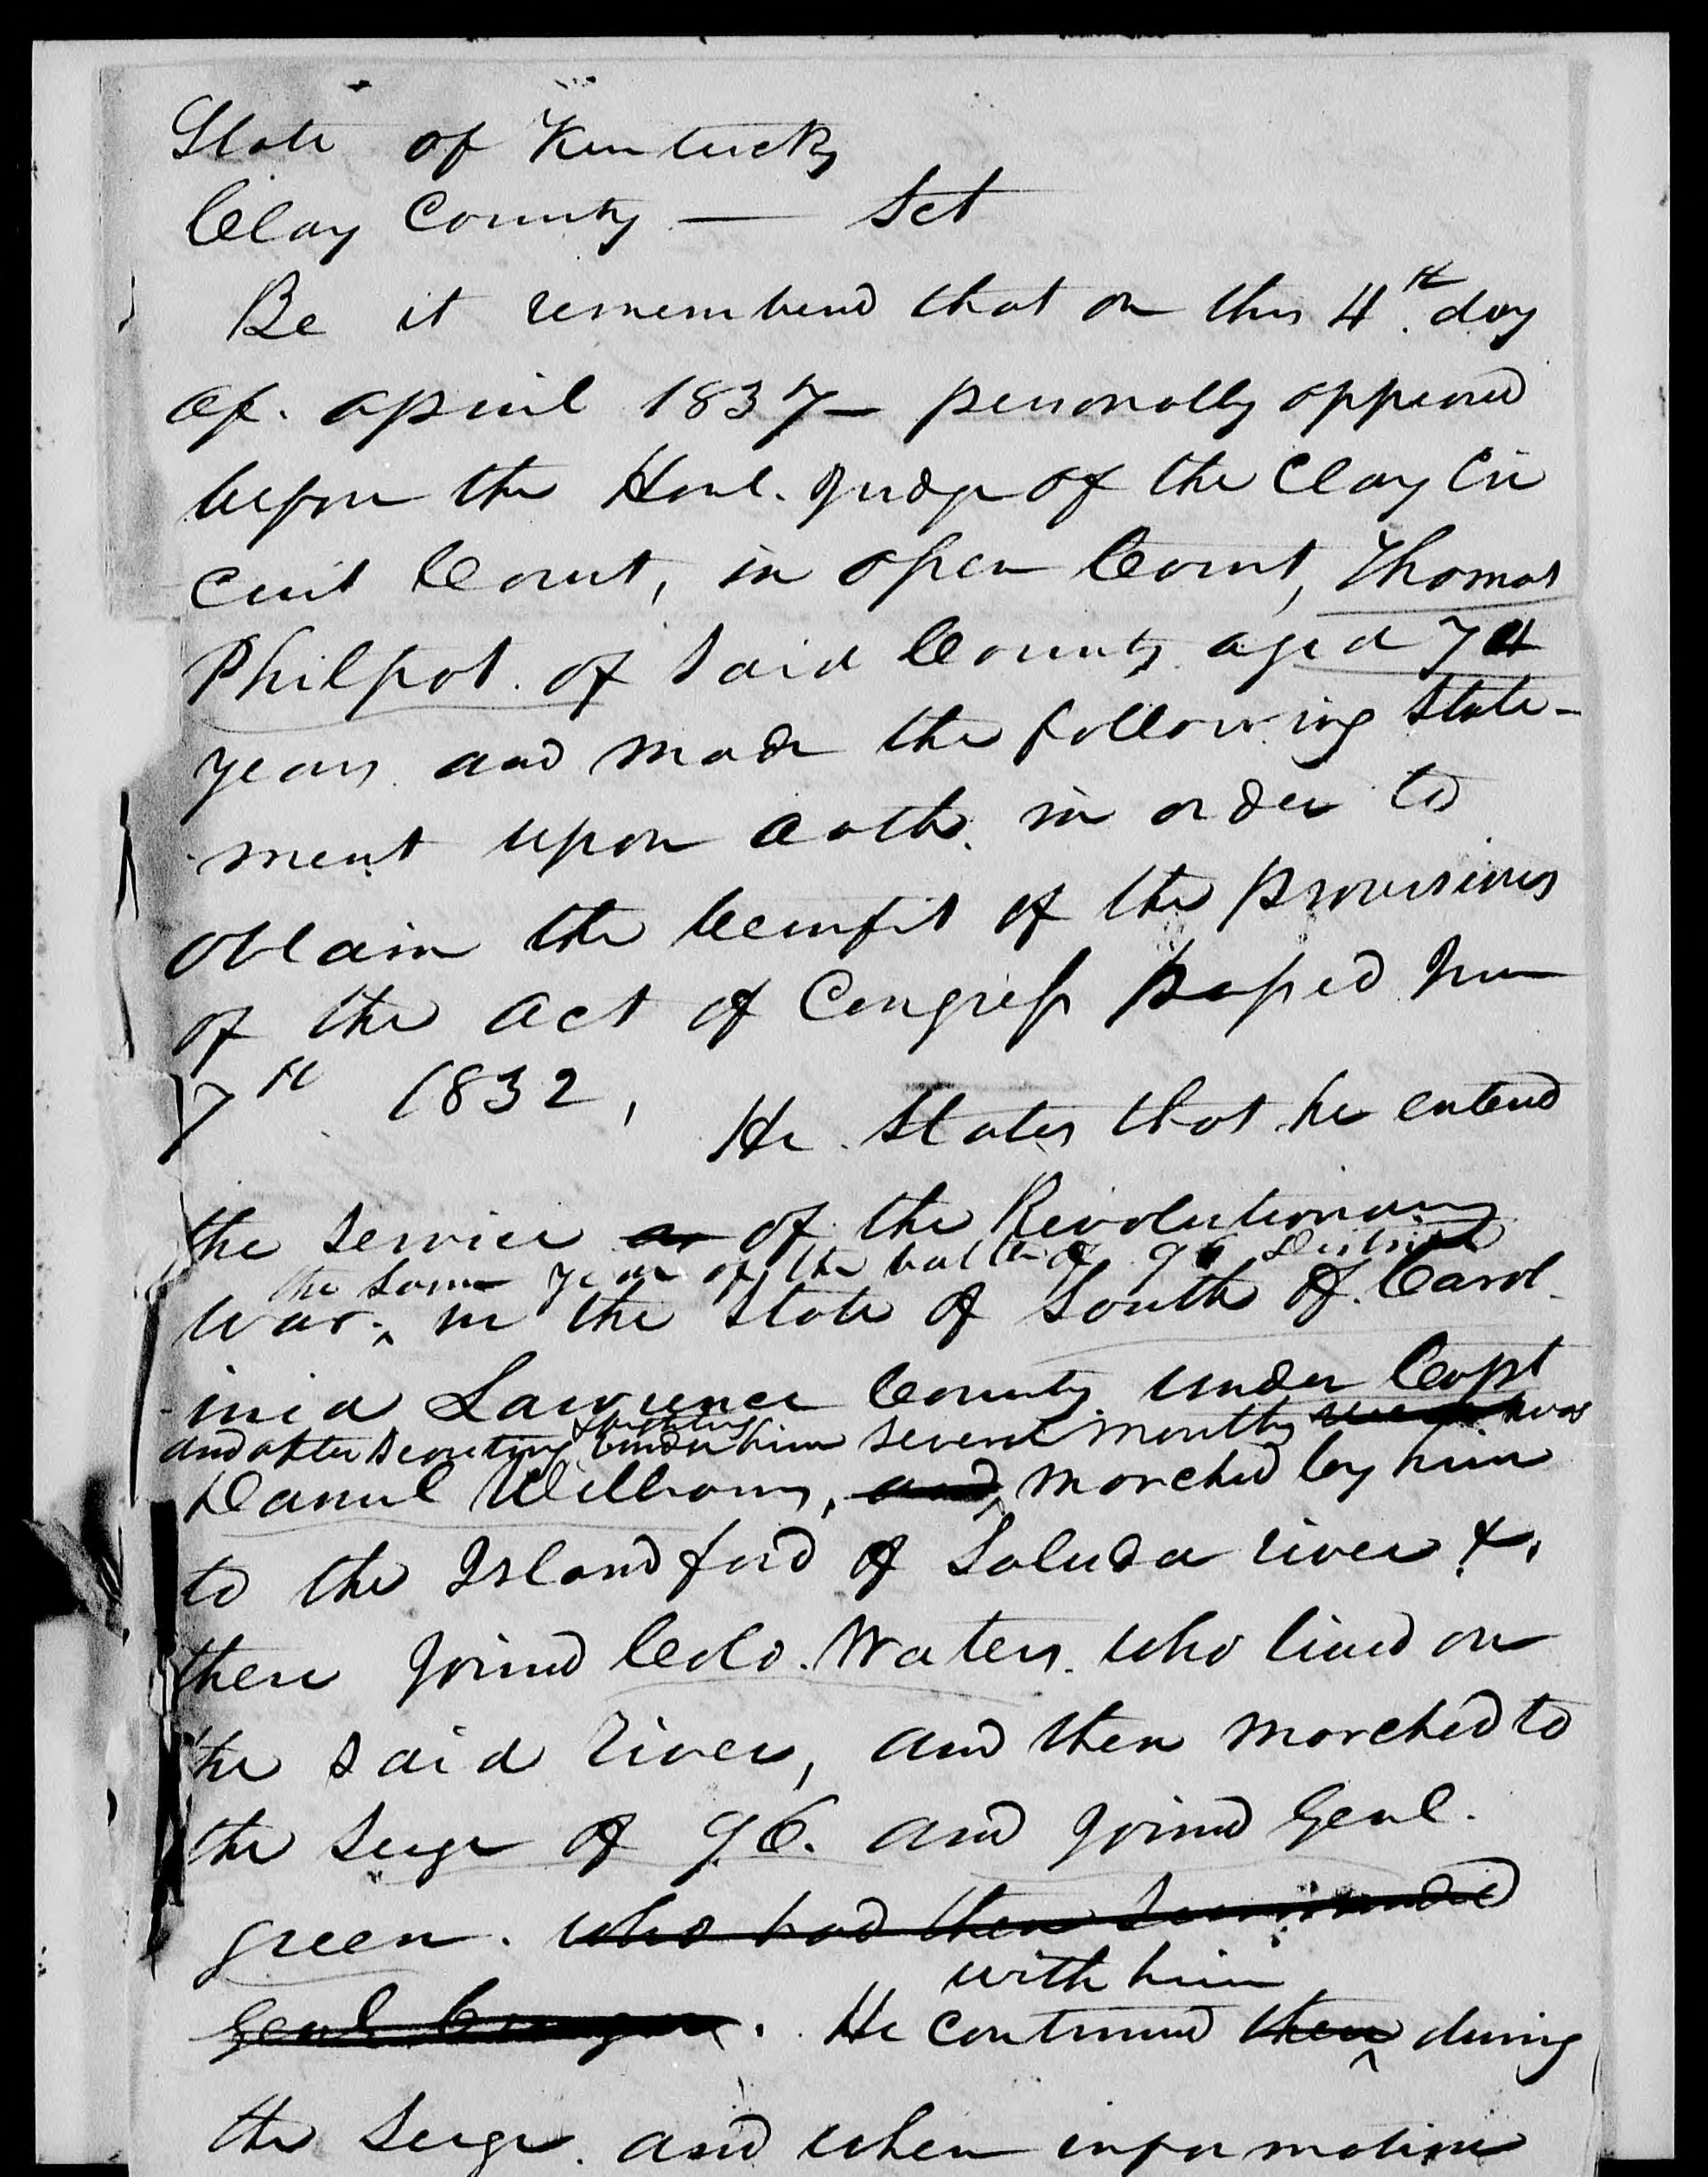State of Kentucky Clay County
Be it remembered that on this 4th 
day of April 1837 - personally appeared before the Hon Judge of the Clay Circuit Court, in open Court
Thomas Philpot of said County aged 74 years and made the following Statement upon oath in order to
obtain the benfit of the provisions
of the act of Congress passed June 7th 1832
He States that he entered the service of the Revolutionary War the same year of the Battle of Ninety Six District in the State of South Carolina, Lawrence [Laurens] County under Capt Daniel Williams,  and after scouting and fighting under him several months, marched by
him to the Island Ford of the Saluda River and there joined Colo. [Colonel Philemon] Waters, who lived on
the said River, and then marched to
the siege of 96 and joined Genl
Green [Nathanael Greene]. He continued with him during the
siege and when information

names: Daniel Williams; [BLANK] Green; [BLANK] Waters; Thomas Philpot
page: 4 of 43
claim: rejected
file: R. 8217, for Thomas Philpot, South Carolina